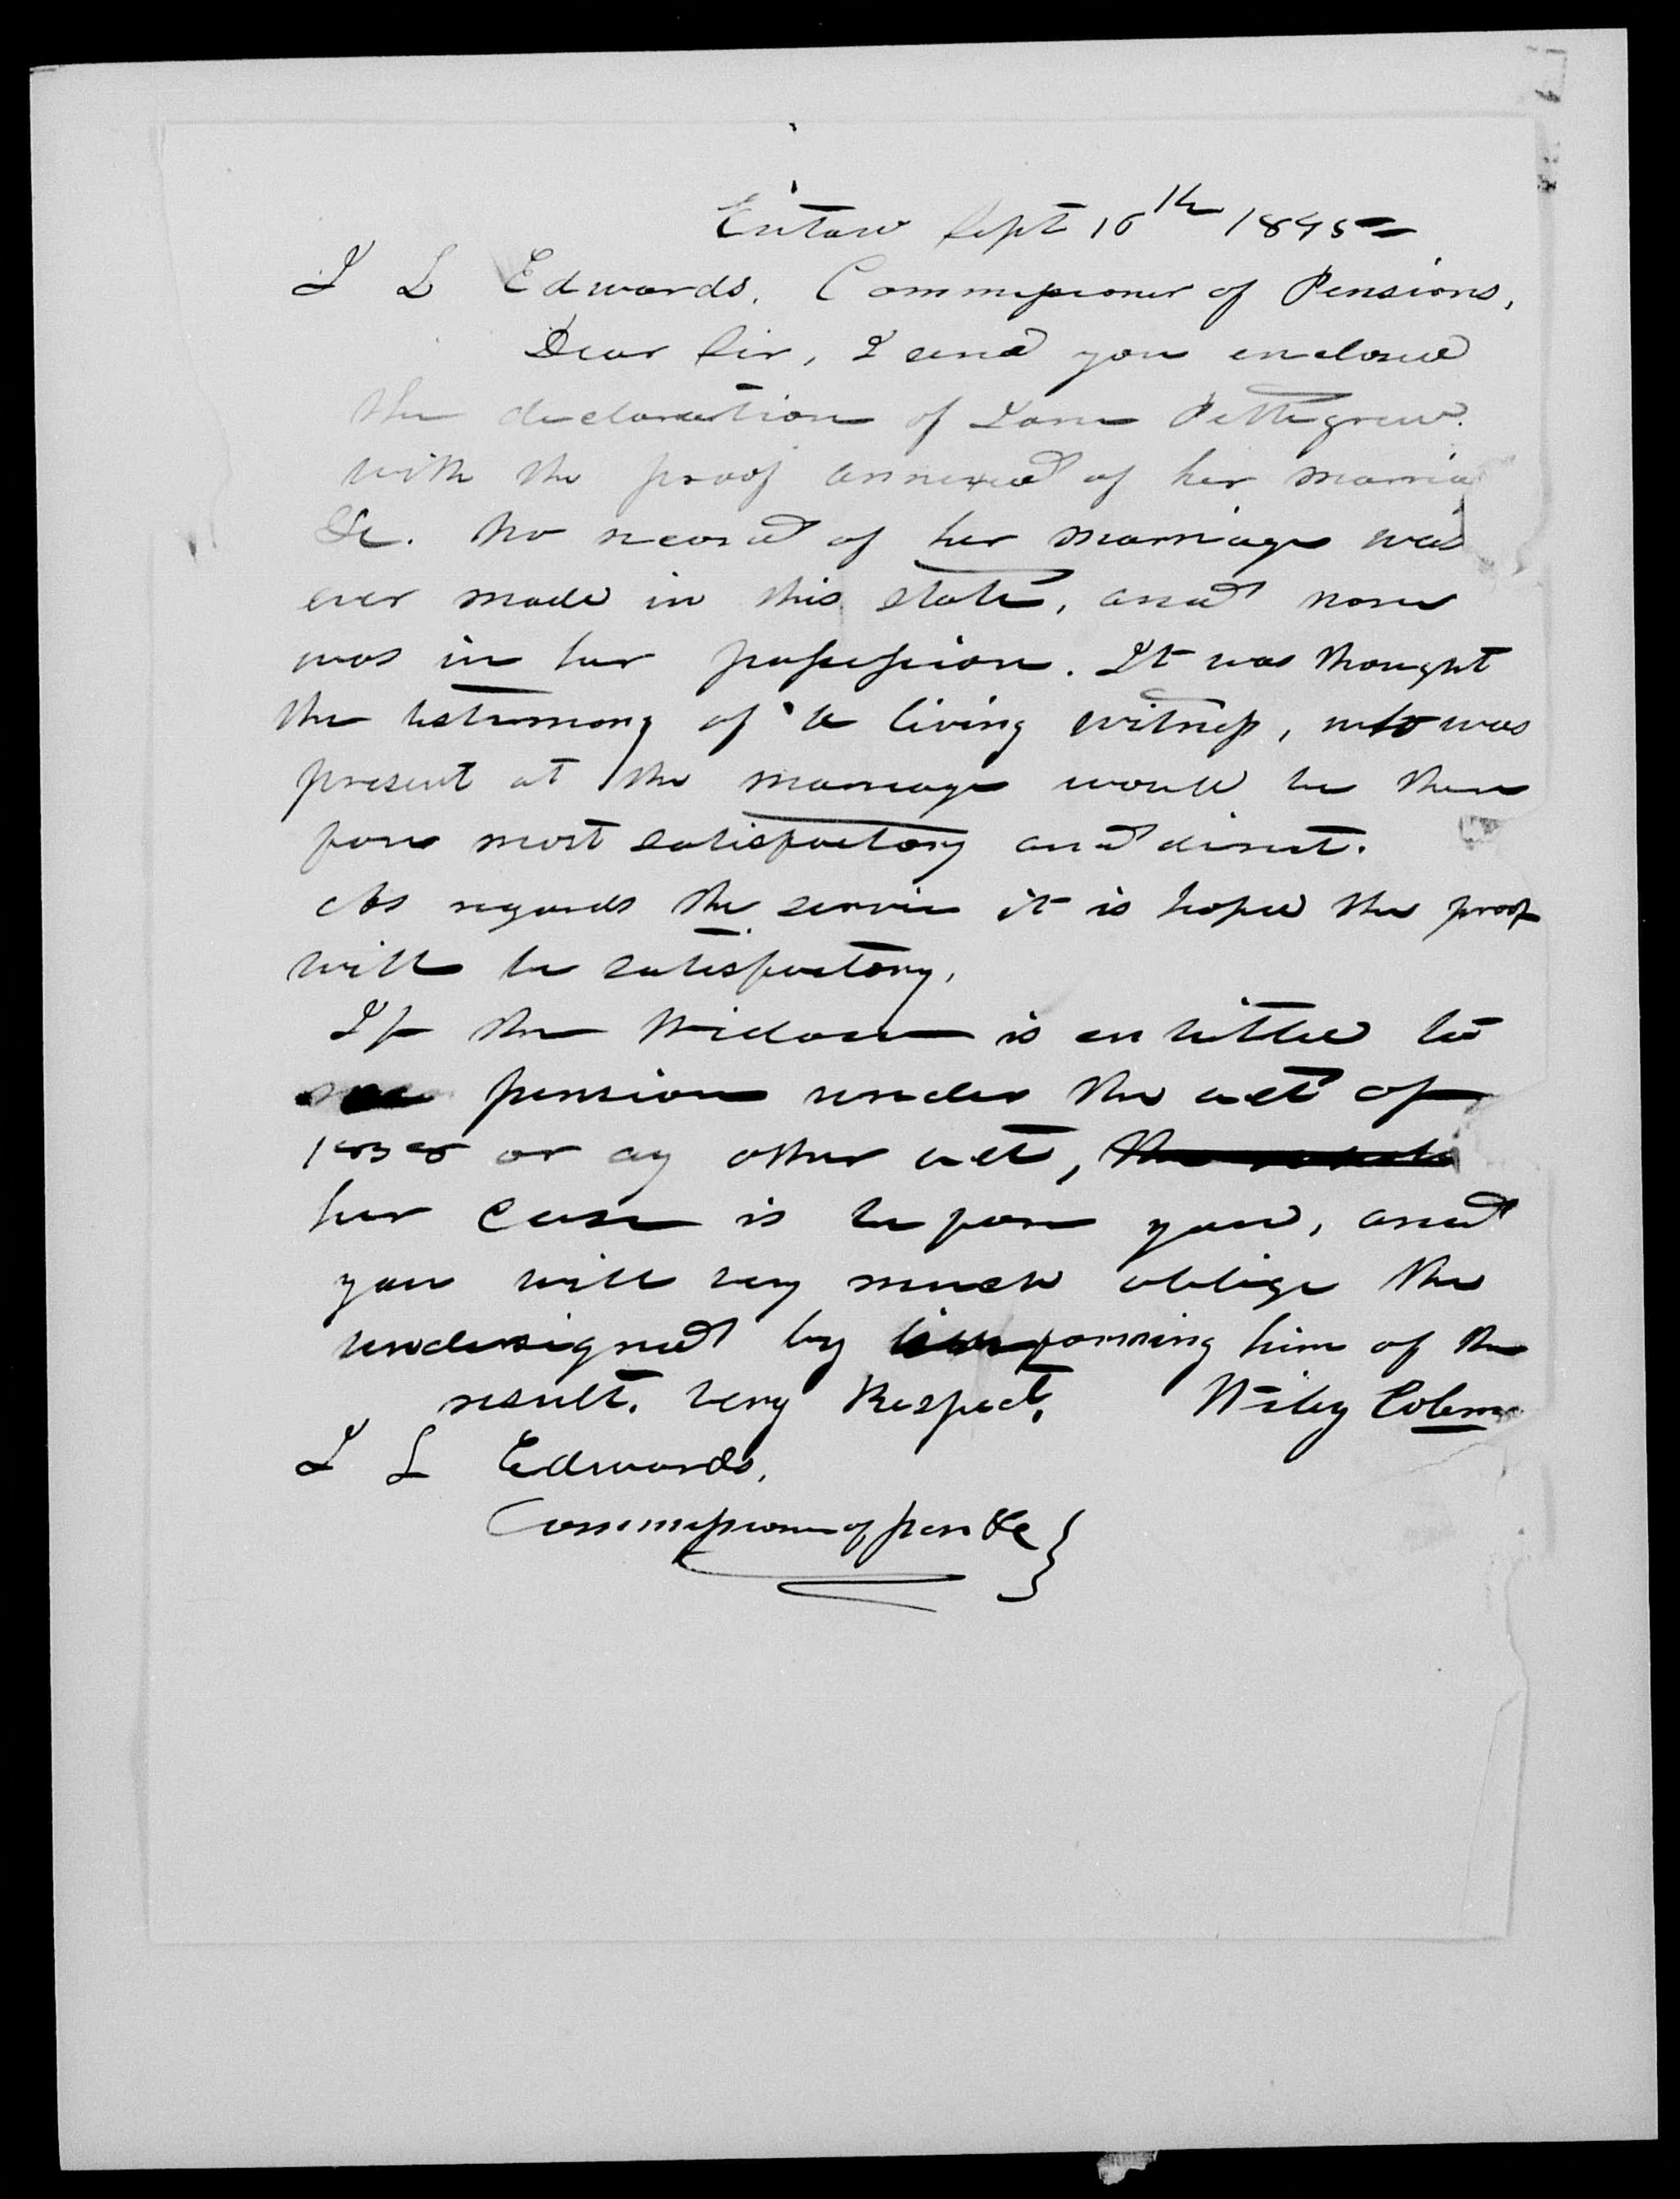Eutaw Sept 16th 1845

J. L. Edwards Commissioner of Pensions

 Sir, 
I send you enclosed 
the declaration of Jane Pettigrew
with the proof annexed of her marriage. 
No record of her marriage was
ever made in this state, and nor
was in her possession. It was thought
the testimony of a living witness, who was
present at the marriage would be then
for most satisfactory and direct
As regards the service it is hoped the proof
will be satisfactory,
If the widow is entitled to
pension under the act of
1838 or any other act, then
her case is before you, and
you will very much oblige the
undersigned by informing him of the
result. Very Respect.  Wiley Cole 


J. L.  Edwards
Commissioner of Pensions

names: Wiley Coleman; Jane Pettigrew; J L Edwards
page: 47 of 92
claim: widow's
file: W. 5522, for James Pettigrew, South Carolina